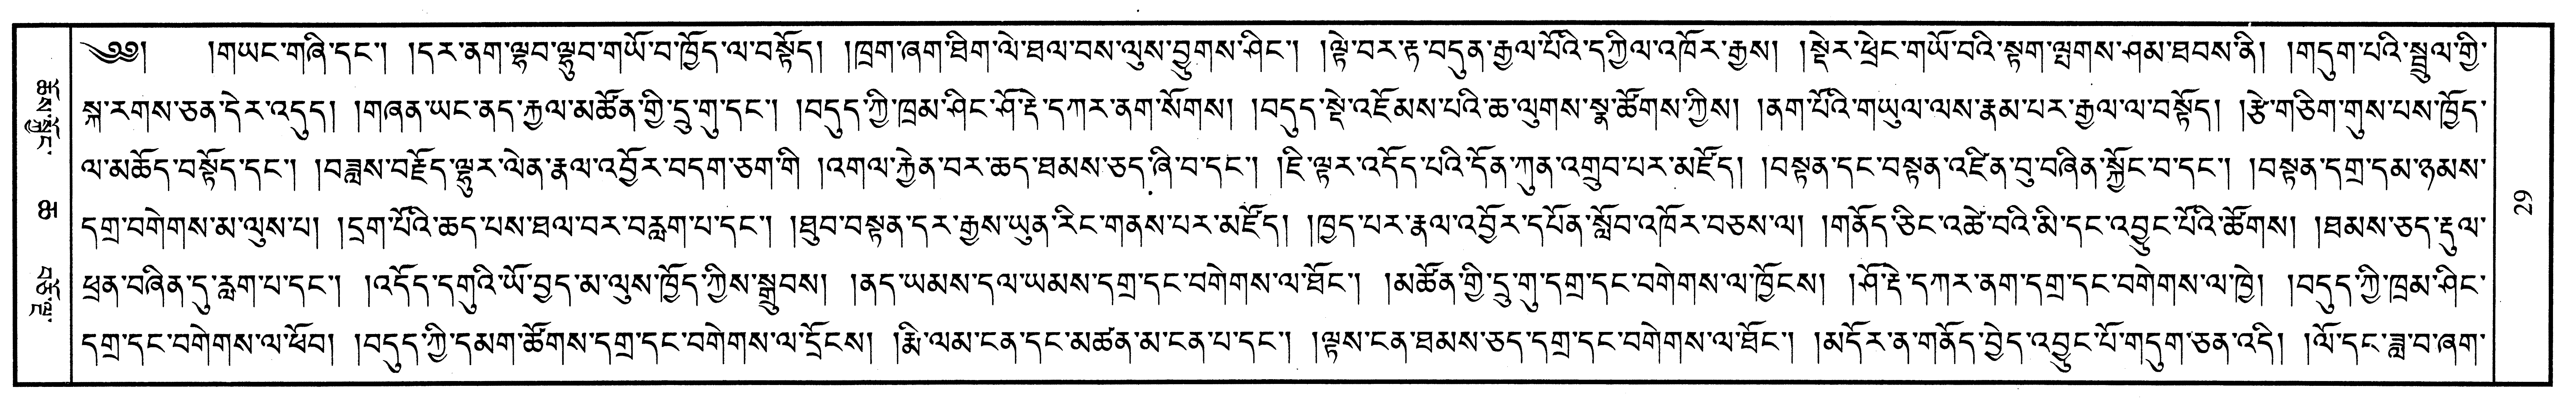༄༅། །གཡང་གཞི་དང་། །དར་ནག་ལྷབ་ལྷུབ་གཡོ་བ་ཁྱོད་ལ་བསྟོད། །ཁྲག་ཞག་ཐིག་ལེ་ཐལ་བས་ལུས་བྱུགས་ཤིང་། །ལྟེ་བར་རྟ་བདུན་རྒྱལ་པོའི་དཀྱིལ་འཁོར་རྒྱས། །སྡེར་ཕྲེང་གཡོ་བའི་སྟག་ལྤགས་ཤམ་ཐབས་ནི། །གདུག་པའི་སྦྲུལ་གྱི་
སྐ་རགས་ཅན་དེར་འདུད། །གཞན་ཡང་ནད་རྐྱལ་མཚོན་གྱི་དྲུ་གུ་དང་། །བདུད་ཀྱི་ཁྲམ་ཤིང་ཤོ་རྡེ་དཀར་ནག་སོགས། །བདུད་སྡེ་འཇོམས་པའི་ཆ་ལུགས་སྣ་ཚོགས་ཀྱིས། །ནག་པོའི་གཡུལ་ལས་རྣམ་པར་རྒྱལ་ལ་བསྟོད། །རྩེ་གཅིག་གུས་པས་ཁྱོད་
ལ་མཆོད་བསྟོད་དང་། །བཟླས་བརྗོད་ལྷུར་ལེན་རྣལ་འབྱོར་བདག་ཅག་གི །འགལ་རྐྱེན་བར་ཆད་ཐམས་ཅད་ཞི་བ་དང་། །ཇི་ལྟར་འདོད་པའི་དོན་ཀུན་འགྲུབ་པར་མཛོད། །བསྟན་དང་བསྟན་འཛིན་བུ་བཞིན་སྐྱོང་བ་དང་། །བསྟན་དགྲ་དམ་ཉམས་
དགྲ་བགེགས་མ་ལུས་པ། །དྲག་པོའི་ཆད་པས་ཐལ་བར་བརླག་པ་དང་། །ཐུབ་བསྟན་དར་རྒྱས་ཡུན་རིང་གནས་པར་མཛོད། །ཁྱད་པར་རྣལ་འབྱོར་དཔོན་སློབ་འཁོར་བཅས་ལ། །གནོད་ཅིང་འཚེ་བའི་མི་དང་འབྱུང་པོའི་ཚོགས། །ཐམས་ཅད་རྡུལ་
ཕྲན་བཞིན་དུ་རླག་པ་དང་། །འདོད་དགུའི་ཡོ་བྱད་མ་ལུས་ཁྱོད་ཀྱིས་སྒྲུབས། །ནད་ཡམས་དལ་ཡམས་དགྲ་དང་བགེགས་ལ་ཐོང་། །མཚོན་གྱི་དྲུ་གུ་དགྲ་དང་བགེགས་ལ་ཁྱོངས། །ཤོ་རྡེ་དཀར་ནག་དགྲ་དང་བགེགས་ལ་ཁྱེ། །བདུད་ཀྱི་ཁྲམ་ཤིང་
དགྲ་དང་བགེགས་ལ་ཕོབ། །བདུད་ཀྱི་དམག་ཚོགས་དགྲ་དང་བགེགས་ལ་དྲོངས། །རྨི་ལམ་ངན་དང་མཚན་མ་ངན་པ་དང་། །ལྟས་ངན་ཐམས་ཅད་དགྲ་དང་བགེགས་ལ་ཐོང་། །མདོར་ན་གནོད་བྱེད་འབྱུང་པོ་གདུག་ཅན་འདི། །ལོ་དང་ཟླ་བ་ཞག་